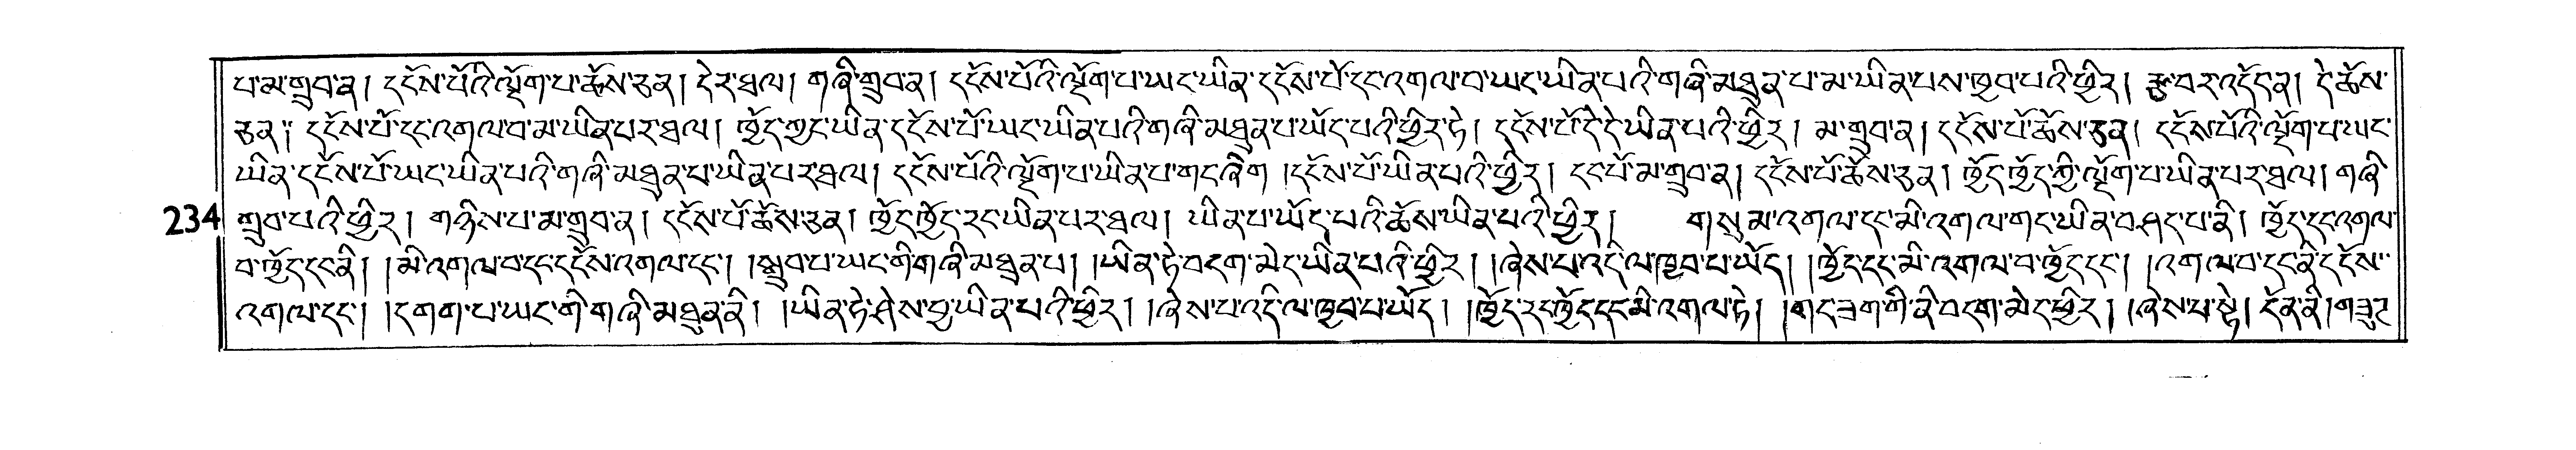པ་མ་གྲུབ་ན། དངོས་པོའི་ལྡོག་པ་ཆོས་ཅན། དེར་ཐལ། གཞི་གྲུབ་ན། དངོས་པོའི་ལྡོག་པ་ཡང་ཡིན་དངོས་པོ་དང་འགལ་བ་ཡང་ཡིན་པའི་གཞི་མཐུན་པ་མ་ཡིན་པས་ཁྱབ་པའི་ཕྱིར། རྩ་བར་འདོད་ན། དེ་ཆོས་
ཅན༑ དངོས་པོ་དང་འགལ་བ་མ་ཡིན་པར་ཐལ། ཁྱོད་ཀྱང་ཡིན་དངོས་པོ་ཡང་ཡིན་པའི་གཞི་མཐུན་པ་ཡོད་པའི་ཕྱིར་ཏེ། དངོས་པོ་དེ་དེ་ཡིན་པའི་ཕྱིར། མ་གྲུབ་ན། དངོས་པོ་ཆོས་ཅན། དངོས་པོའི་ལྡོག་པ་ཡང་
ཡིན་དངོས་པོ་ཡང་ཡིན་པའི་གཞི་མཐུན་པ་ཡིན་པར་ཐལ། དངོས་པོའི་ལྡོག་པ་ཡིན་པ་གང་ཞིག །དངོས་པོ་ཡིན་པའི་ཕྱིར། དང་པོ་མ་གྲུབ་ན། དངོས་པོ་ཆོས་ཅན། ཁྱོད་ཁྱོད་ཀྱི་ལྡོག་པ་ཡིན་པར་ཐལ། གཞི་
གྲུབ་པའི་ཕྱིར། གཉིས་པ་མ་གྲུབ་ན། དངོས་པོ་ཆོས་ཅན། ཁྱོད་ཁྱོད་རང་ཡིན་པར་ཐལ། ཡིན་པ་ཡོད་པའི་ཆོས་ཡིན་པའི་ཕྱིར། གསུམ་འགལ་དང་མི་འགལ་གང་ཡིན་བཤད་པ་ནི། ཁྱོད་དང་འགལ་
བ་ཁྱོད་དང་ནི། །མི་འགལ་བ་དང་དངོས་འགལ་དང་། །སྒྲུབ་པ་ཡང་གི་གཞི་མཐུན་པ། །ཡིན་ཏེ་བདག་མེད་ཡིན་པའི་ཕྱིར། །ཞེས་པ་འདི་ལ་ཁྱབ་པ་ཡོད། །ཁྱོད་དང་མི་འགལ་བ་ཁྱོད་དང་། །འགལ་བ་དང་ནི་དངོས་
འགལ་དང་། །དགག་པ་ཡང་གི་གཞི་མཐུན་ནི། །ཡིན་ཏེ་ཤེས་བྱ་ཡིན་པའི་ཕྱིར། །ཞེས་པ་འདི་ལ་ཁྱབ་པ་ཡོད། །ཁྱོད་རང་ཁྱོད་དང་མི་འགལ་ཏེ། །གང་ཟག་གི་ནི་བདག་མེད་ཕྱིར། །ཞེས་པ་སྟེ། དོན་ནི། གཟུཌ་